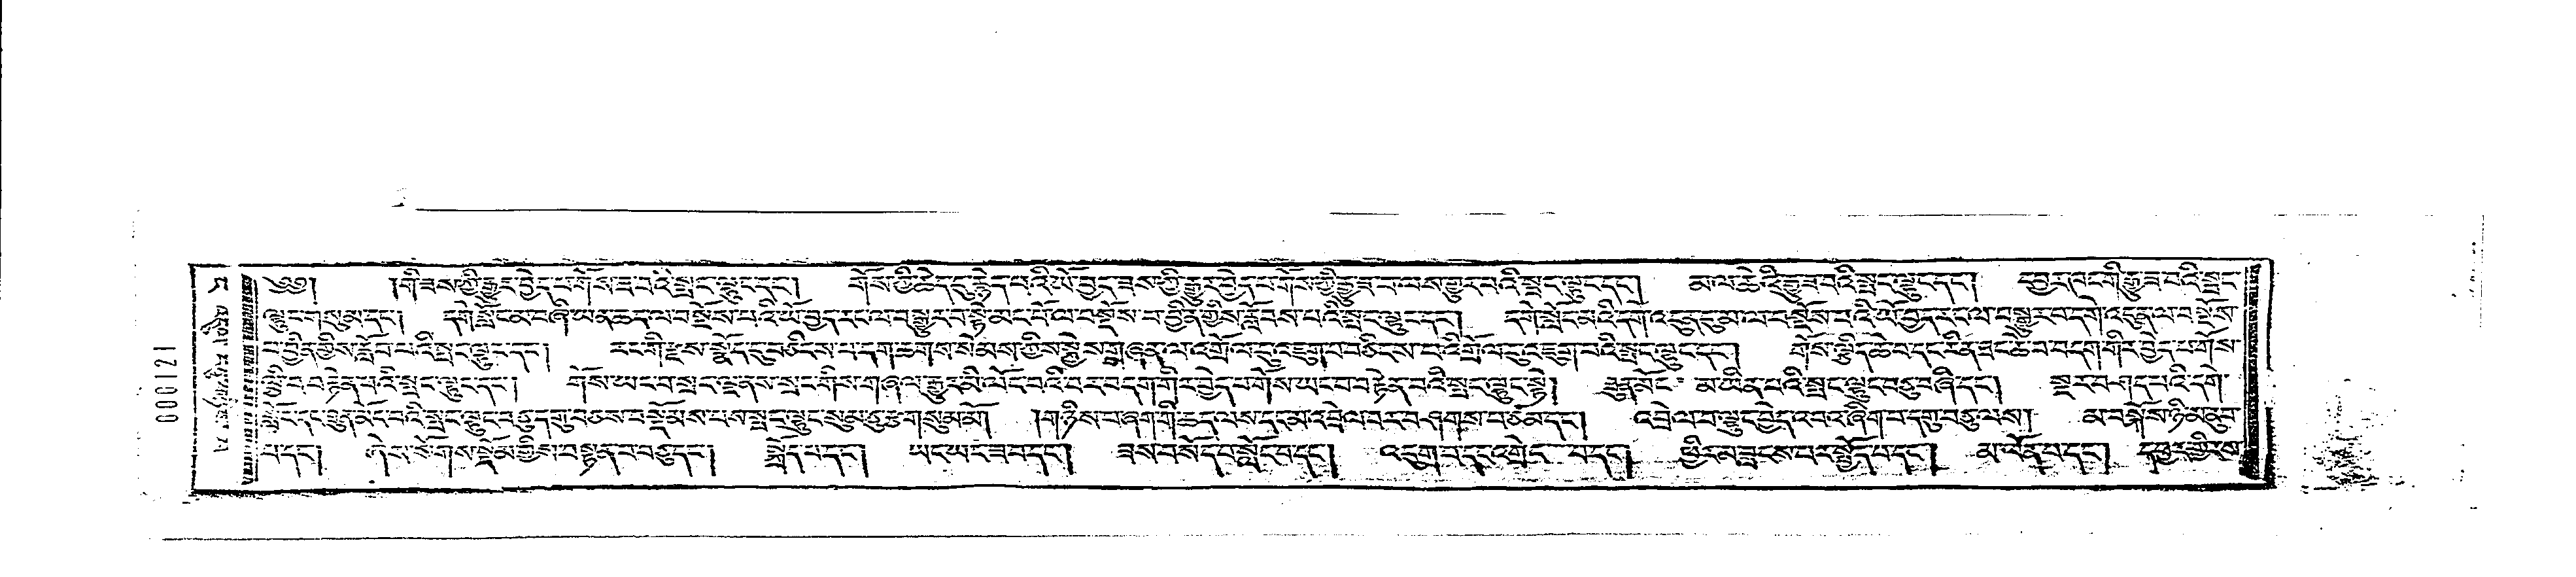༄༅། །གི་ཟས་ཀྱི་རྒྱུར་བྱེད་པ་གོས་ཟ་བའི་སྤང་ལྟུང་དང་། གོས་ཀྱི་ཆེད་དུ་རྙེད་པའི་ཡོ་བྱད་ཟས་ཀྱི་རྒྱུར་བྱེད་པ་གོས་ཀྱི་རྒྱུ་ཟ་བ་ལས་གྱུར་པའི་སྤང་ལྟུང་དང་། མལ་ཆེའི་རྒྱུ་ཟ་བའི་སྤང་ལྟུང་དང་། དབྱར་ཁང་གི་རྒྱུ་ཟ་བའི་སྤང་
ལྟུང་གསུམ་དང་། དགེ་སློང་མ་བཞི་ཡན་ཆད་ལ་བསྔོས་པའི་ཡོ་བྱད་རང་ལ་བསྒྱུར་བ་སྟེ་མང་པོ་ལ་བསྡོས་པ་བྱིན་གྱིས་རློབས་པའི་སྤང་ལྟུང་དང་། དགེ་སློང་མའི་དགེ་འདུན་དུ་མ་ལ་བསྡོས་པའི་ཡོ་བྱད་རང་ལ་བསྒྱུར་བ་དགེ་འདུན་ལ་བསྔོས་
པ་བྱིན་གྱིས་རློབ་པའི་སྤང་ལྟུང་དང་། རང་གི་རྫས་སྣོད་དུ་བཅིངས་པ་དག་ཆགས་སེམས་ཀྱིས་སྐྱེས་བ་གཞན་ལ་འགྲོལ་དུ་འཇུག་པ་བཅིངས་པའི་གྲོལ་དུ་འཇུག་པའི་སྤང་ལྟུང་དང་། གོས་ལྕིད་ཆེ་བ་དང་རིན་ཐང་ཆེ་བ་བདག་གིར་བྱེད་པ་གོས་
ལྕི་བ་བརྟེན་པའི་སྤང་ལྟུང་དང་། གོས་ཡང་བ་སྲང་ལྔ་ནས་སྲང་གིས་གཞལ་རྒྱུར་མི་ལོང་བའི་བར་བདག་གིར་བྱེད་པ་གོས་ཡང་བ་བརྟེན་པའི་སྤང་ལྟུང་སྟེ། ཐུན་མོང་མ་ཡིན་པའི་སྤང་ལྟུང་བཅུ་བཞི་དང་། སྔར་བཤད་པའི་དགེ་
སློང་དང་ཐུན་མོང་བའི་སྤང་ལྟུང་བཅུ་དགུ་བཅས་བསྡོམས་པས་སྤང་ལྟུང་སུམ་ཅུ་རྩ་གསུམ་མོ། །གཉིས་པ་ཞག་གི་ཆད་ལས་དང་མ་འབྲེལ་བར་བཤགས་པ་ཙམ་དང་། འབྲེལ་བ་ལྟུང་བྱེད་འབའ་ཞིག་པ་དགུ་བཅུ་ལས། མ་བསྐོས་ཉི་མ་ནུབ་
པ་དང་། ཞེས་སོགས་སྡོམ་གྱིས་བསྟན་པ་བཅུ་དང་། སྐྲོད་པ་དང་། ཡང་ཡང་ཟ་བ་དང་། ཟས་བསོད་པ་སློང་བ་དང་། འདུག་པ་དང་འགྲེང་པ་དང་། ཕྱིར་མ་བླངས་པར་སྤྱོད་པ་དང་། མ་ལོན་པ་དང་། དབྱར་གྱི་རས་